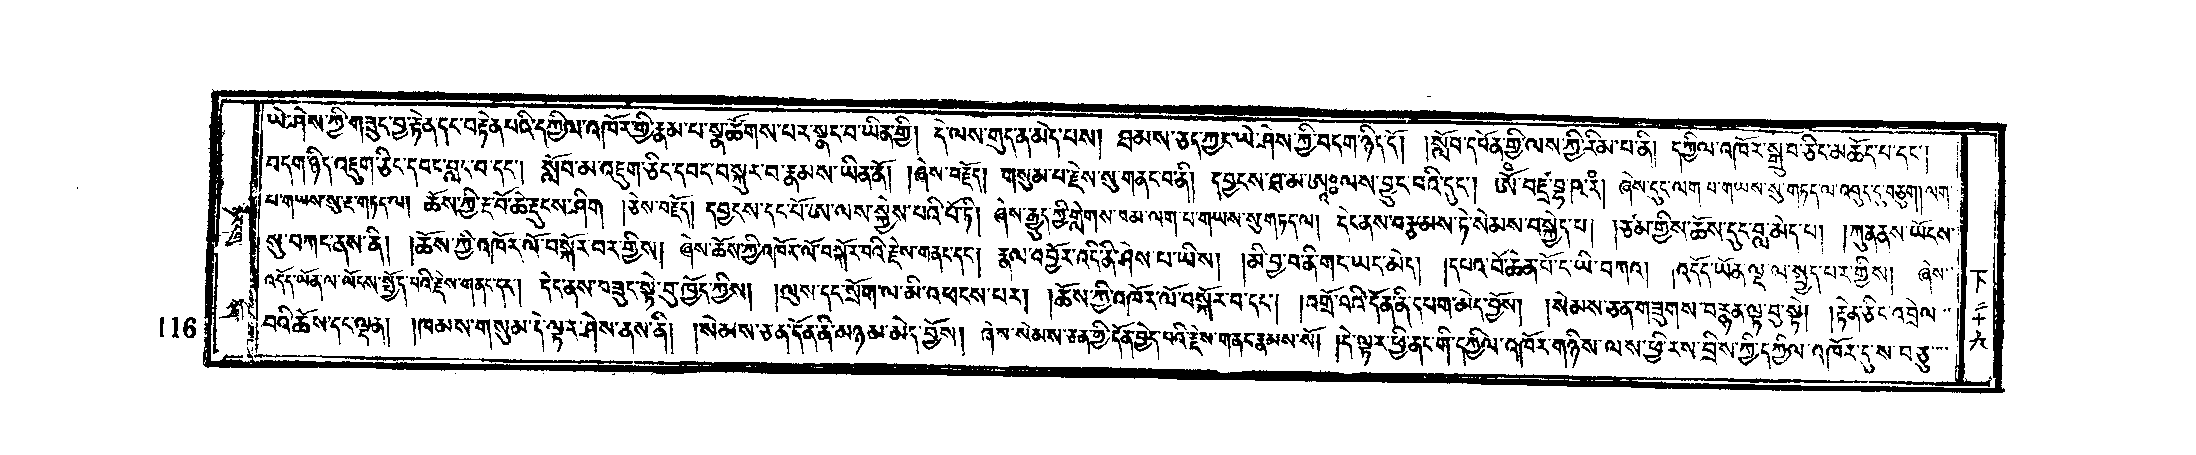ཡེ་ཤེས་ཀྱི་གཟུང་བྱ་རྟེན་དང་བརྟེན་པའི་དཀྱིལ་འཁོར་གྱི་རྣམ་པ་སྣ་ཚོགས་པར་སྣང་བ་ཡིན་གྱི། དེ་ལས་གུད་ན་མེད་པས། ཐམས་ཅད་ཀྱང་ཡེ་ཤེས་ཀྱི་བདག་ཉིད་དོ། །སློབ་དཔོན་གྱི་ལས་ཀྱི་རིམ་པ་ནི། དཀྱིལ་འཁོར་སྒྲུབ་ཅིང་མཆོད་པ་དང་།
བདག་ཉིད་འཇུག་ཅིང་དབང་བླང་བ་དང་། སློབ་མ་འཇུག་ཅིང་དབང་བསྐུར་བ་རྣམས་ཡིན་ནོ། །ཞེས་བརྗོད། གསུམ་པ་རྗེས་སུ་གནང་བ་ནི། དབྱངས་ཐ་མ་ཨཱཿ ལས་བྱུང་བའི་དུང་། ཨོཾ་བཛྲ་བྷ་ཥ་རཾ། ཞེས་དུང་ལག་པ་གཡས་སུ་གཏད་ལ་འབུད་དུ་བཅུག །ལག་
པ་གཡས་སུ་རྔ་གཏད་ལ། ཆོས་ཀྱི་རྔ་བོ་ཆེ་རྡུངས་ཤིག །ཅེས་བརྗོད། དབྱངས་དང་པོ་ཨ་ལས་སྐྱེས་པའི་པོ་ཏི། ཞེས་རྒྱུད་ཀྱི་གླེགས་བམ་ལག་པ་གཡས་སུ་གཏད་ལ། དེང་ནས་བརྩམས་ཏེ་སེམས་བསྐྱེད་པ། །ཙམ་གྱིས་ཆོས་དུང་བླ་མེད་པ། །ཀུན་ནས་ཡོངས་
སུ་བཀང་ནས་ནི། །ཆོས་ཀྱི་འཁོར་ལོ་བསྐོར་བར་གྱིས། ཞེས་ཆོས་ཀྱི་འཁོར་ལོ་བསྐོར་བའི་རྗེས་གནང་དང་། རྣལ་འབྱོར་འདི་ནི་ཤེས་པ་ཡིས། །མི་བྱ་བ་ནི་གང་ཡང་མེད། །དཔའ་བོ་ཆེན་པོ་ང་ཡི་བཀའ། །འདོད་ཡོན་ལྔ་ལ་སྤྱད་པར་གྱིས། ཞེས་
འདོད་ཡོན་ལ་ལོངས་སྤྱོད་པའི་རྗེས་གནང་དང་། དེང་ནས་བཟུང་སྟེ་བུ་ཁྱོད་ཀྱིས། །ལུས་དང་སྲོག་ལ་མི་འཕངས་པར། །ཆོས་ཀྱི་འཁོར་ལོ་བསྐོར་བ་དང་། །འགྲོ་བའི་དོན་ནི་དཔག་མེད་བྱོས། །སེམས་ཅན་གཟུགས་བརྙན་ལྟ་བུ་སྟེ། །རྟེན་ཅིང་འབྲེལ་
བའི་ཆོས་དང་ལྡན། །ཁམས་གསུམ་དེ་ལྟར་ཤེས་ནས་ནི། །སེམས་ཅན་དོན་ནི་མཉམ་མེད་བྱོས། ཞེས་སེམས་ཅན་གྱི་དོན་བྱེད་པའི་རྗེས་གནང་རྣམས་སོ། །དེ་ལྟར་ཕྱི་ནང་གི་དཀྱིལ་འཁོར་གཉིས་ལས་ཕྱི་རས་བྲིས་ཀྱི་དཀྱིལ་འཁོར་དུ་ས་བཅུ་